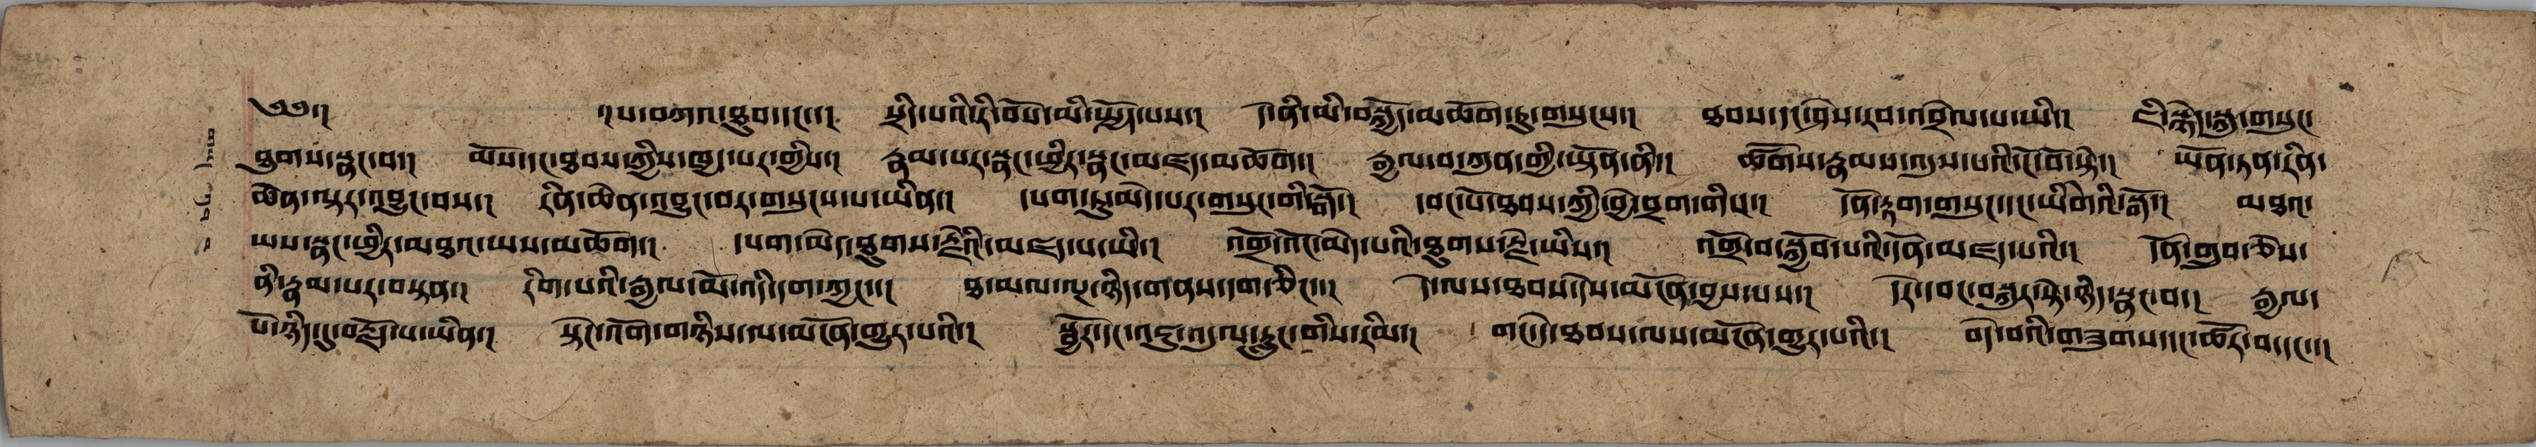༄༅་། ་།པ་བཀའ་ཐུབ་དང་་། སྲིད་པའི་རི་བོས་མི་སྤྱོད་པས་། དེ་ནི་མི་བསྐྱོད་མཆོག་ཏུ་གསུངས་། ཐབས་དང་ཤེས་རབ་འབྲེལ་པ་ཡི་། ཇི་སྙེད་སྐུ་གསུང་
ཐུགས་སྣང་བ་། མོས་དང་ཐབས་ཀྱིས་ཁྱད་པར་གྱིས་། རྣམ་པར་སྣང་ཕྱིར་སྣང་མཛད་མཆོག་། རྒྱལ་བ་ཀུན་གྱི་ཡྟོན་ནི་། ཚོགས་རྣམས་འདུས་པའི་ངོ་བོ་སྟེ་། ཡོན་ཏན་རིན་
ཆེན་ལྟར་འབྱུང་བས་། རིན་ཆེན་འབྱུང་བར་གསུངས་པ་ཡིན་། དཔག་ཏུ་མེད་པར་གསུང་གི་སྒོ་། དབང་པོ་ཐབས་ཀྱི་བྱེ་བྲག་གིས་། དོན་རྟག་གསུང་དང་ཡིགེའི་སྒོ་། མཐའ་
ཡས་སྣང་ཕྱིར་མཐའ་ཡས་མཆོག། དཔག་མེད་ཐུགས་རྗེའི་མཛད་པ་ཡི་། འགྲོ་འོང་མེད་པའི་ཐུགས་རྗེ་ཡིས་། འགྲོ་བ་སྐྱོབ་པའི་དོན་མཛད་པའི་། དོན་གྲུབ་ཅེས་
ནི་རྣམ་པར་བསྟན་། རིག་པའི་རྒྱལ་མོ་འདི་དག་ཀྱང་་། ཐ་མལ་ལྔ་ཉིད་གནས་དག་ཅིང་་། དེ་ལས་ཐབས་དེས་མངོན་བྱས་པས་། དེར་དབང་བསྐུར་སྟེ་ཉིད་སྣང་བ་། རྒྱལ་
པོ་ཉིད་དུ་བརྗོད་པ་ཡིན་། སྟེང་འོག་གཉིས་ལ་མངོན་གྱུར་པའི་། སྦྱོར་དང་འཇུ་འདུལ་རླུང་གིས་རིམ་། གང་དེ་ཐབས་ལས་མངོན་གྱུར་པའི་། བདེ་བའི་གཟུགས་དང་ཚོར་བ་དང་་།